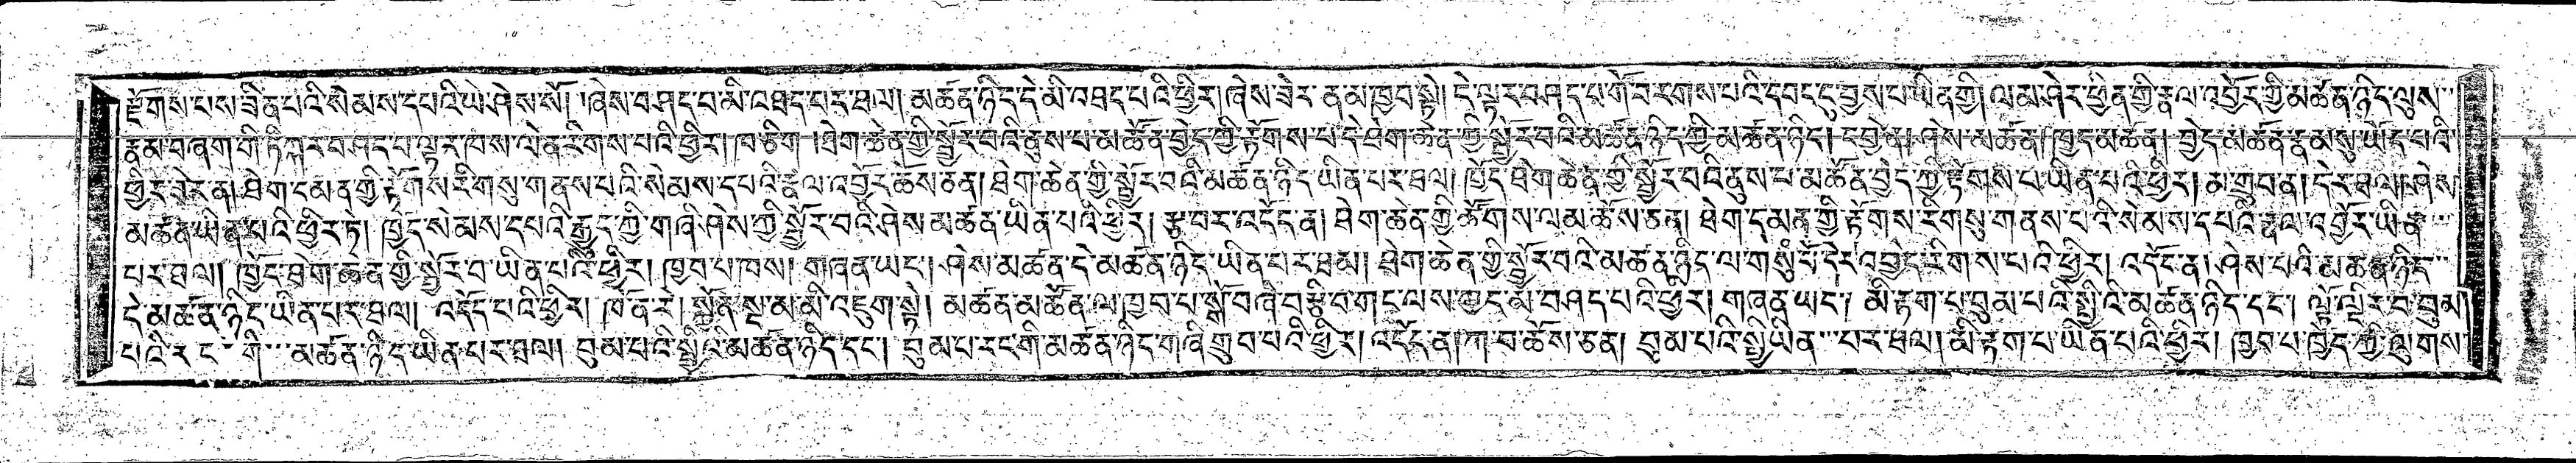རྫོགས་པས་ཟིན་པའི་སེམས་དཔའི་ཡེ་ཤེས་སོ། །ཞེས་བཤད་པ་མི་འཐད་པར་ཐལ། མཚན་ཉིད་དེ་མི་འཐད་པའི་ཕྱིར། ཞེས་ཟེར་ན་མ་ཁྱབ་སྟེ། དེ་ལྟར་བཤད་པ་གོ་བ་རགས་པའི་དབང་དུ་བྱས་པ་ཡིན་གྱི། ལམ་ཤེར་ཕྱིན་གྱི་རྣལ་འབྱོར་གྱི་མཚན་ཉིད་ལུས་
རྣམ་བཞག་གི་ཊིཀྐར་བཤད་པ་ལྟར་ཁས་ལེན་རིགས་པའི་ཕྱིར། ཁ་ཅིག །ཐེག་ཆེན་གྱི་སྦྱོར་བའི་ནུས་པ་མཚོན་བྱེད་ཀྱི་རྟོགས་པ་དེ་ཐེག་ཆེན་གྱི་སྦྱོར་བའི་མཚན་ཉིད་ཀྱི་མཚན་ཉིད། དབྱེ་ན། ཤེས་མཚན། ཁྱད་མཚན། བྱེད་མཚན་རྣམས་སུ་ཡོད་པའི་
ཕྱིར་ཟེར་ན། ཐེག་དམན་གྱི་རྟོགས་རིགས་སུ་གནས་པའི་སེམས་དཔའི་རྣལ་འབྱོར་ཆོས་ཅན། ཐེག་ཆེན་གྱི་སྦྱོར་བའི་མཚན་ཉིད་ཡིན་པར་ཐལ། ཁྱོད་ཐེག་ཆེན་གྱི་སྦྱོར་བའི་ནུས་པ་མཚོན་བྱེད་ཀྱི་རྟོགས་པ་ཡིན་པའི་ཕྱིར། མ་གྲུབ་ན། དེར་ཐལ། ཤེས་
མཚན་ཡིན་པའི་ཕྱིར་ཏེ། ཁྱོད་སེམས་དཔའི་རྒྱུད་ཀྱི་གཞི་ཤེས་ཀྱི་སྦྱོར་བའི་ཤེས་མཚན་ཡིན་པའི་ཕྱིར། རྩ་བར་འདོད་ན། ཐེག་ཆེན་གྱི་ཚོགས་ལམ་ཆོས་ཅན། ཐེག་དམན་གྱི་རྟོགས་རིགས་སུ་གནས་པའི་སེམས་དཔའི་རྣལ་འབྱོར་ཡིན་
པར་ཐལ། ཁྱོད་ཐེག་ཆེན་གྱི་སྦྱོར་བ་ཡིན་པའི་ཕྱིར། ཁྱབ་པ་ཁས། གཞན་ཡང་། ཤེས་མཚན་དེ་མཚན་ཉིད་ཡིན་པར་ཐམ། ཐེག་ཆེན་གྱི་སྦྱོར་བའི་མཚན་ཉིད་ལ་གསུམ་པོ་དེར་འབྱེད་རིགས་པའི་ཕྱིར། འདོད་ན། ཤེས་པའི་མཚན་ཉིད་
དེ་མཚན་ཉིད་ཡིན་པར་ཐལ། འདོད་པའི་ཕྱིར། ཁོ་ན་རེ། སྐྱོན་སྔ་མ་མི་འཇུག་སྟེ། མཚན་མཚོན་ལ་ཁྱབ་པ་སྒོ་བཞི་བརྩི་བ་གང་ལས་ཀྱང་མ་བཤད་པའི་ཕྱིར། གཞན་ཡང་། མི་རྟག་པ་བུམ་པའི་སྤྱིའི་མཚན་ཉིད་དང་། ལྟོ་ལྡིར་བ་བུམ་
པའི་རང་གི་མཚན་ཉིད་ཡིན་པར་ཐལ། བུམ་པའི་སྤྱིའི་མཚན་ཉིད་དང་། བུམ་པ་རང་གི་མཚན་ཉིད་གཞི་གྲུབ་པའི་ཕྱིར། འདོད་ན། ཀ་བ་ཆོས་ཅན། བུམ་པའི་སྤྱི་ཡིན་པར་ཐལ། མི་རྟག་པ་ཡིན་པའི་ཕྱིར། ཁྱབ་པ་ཁྱོད་ཀྱི་ལུགས་